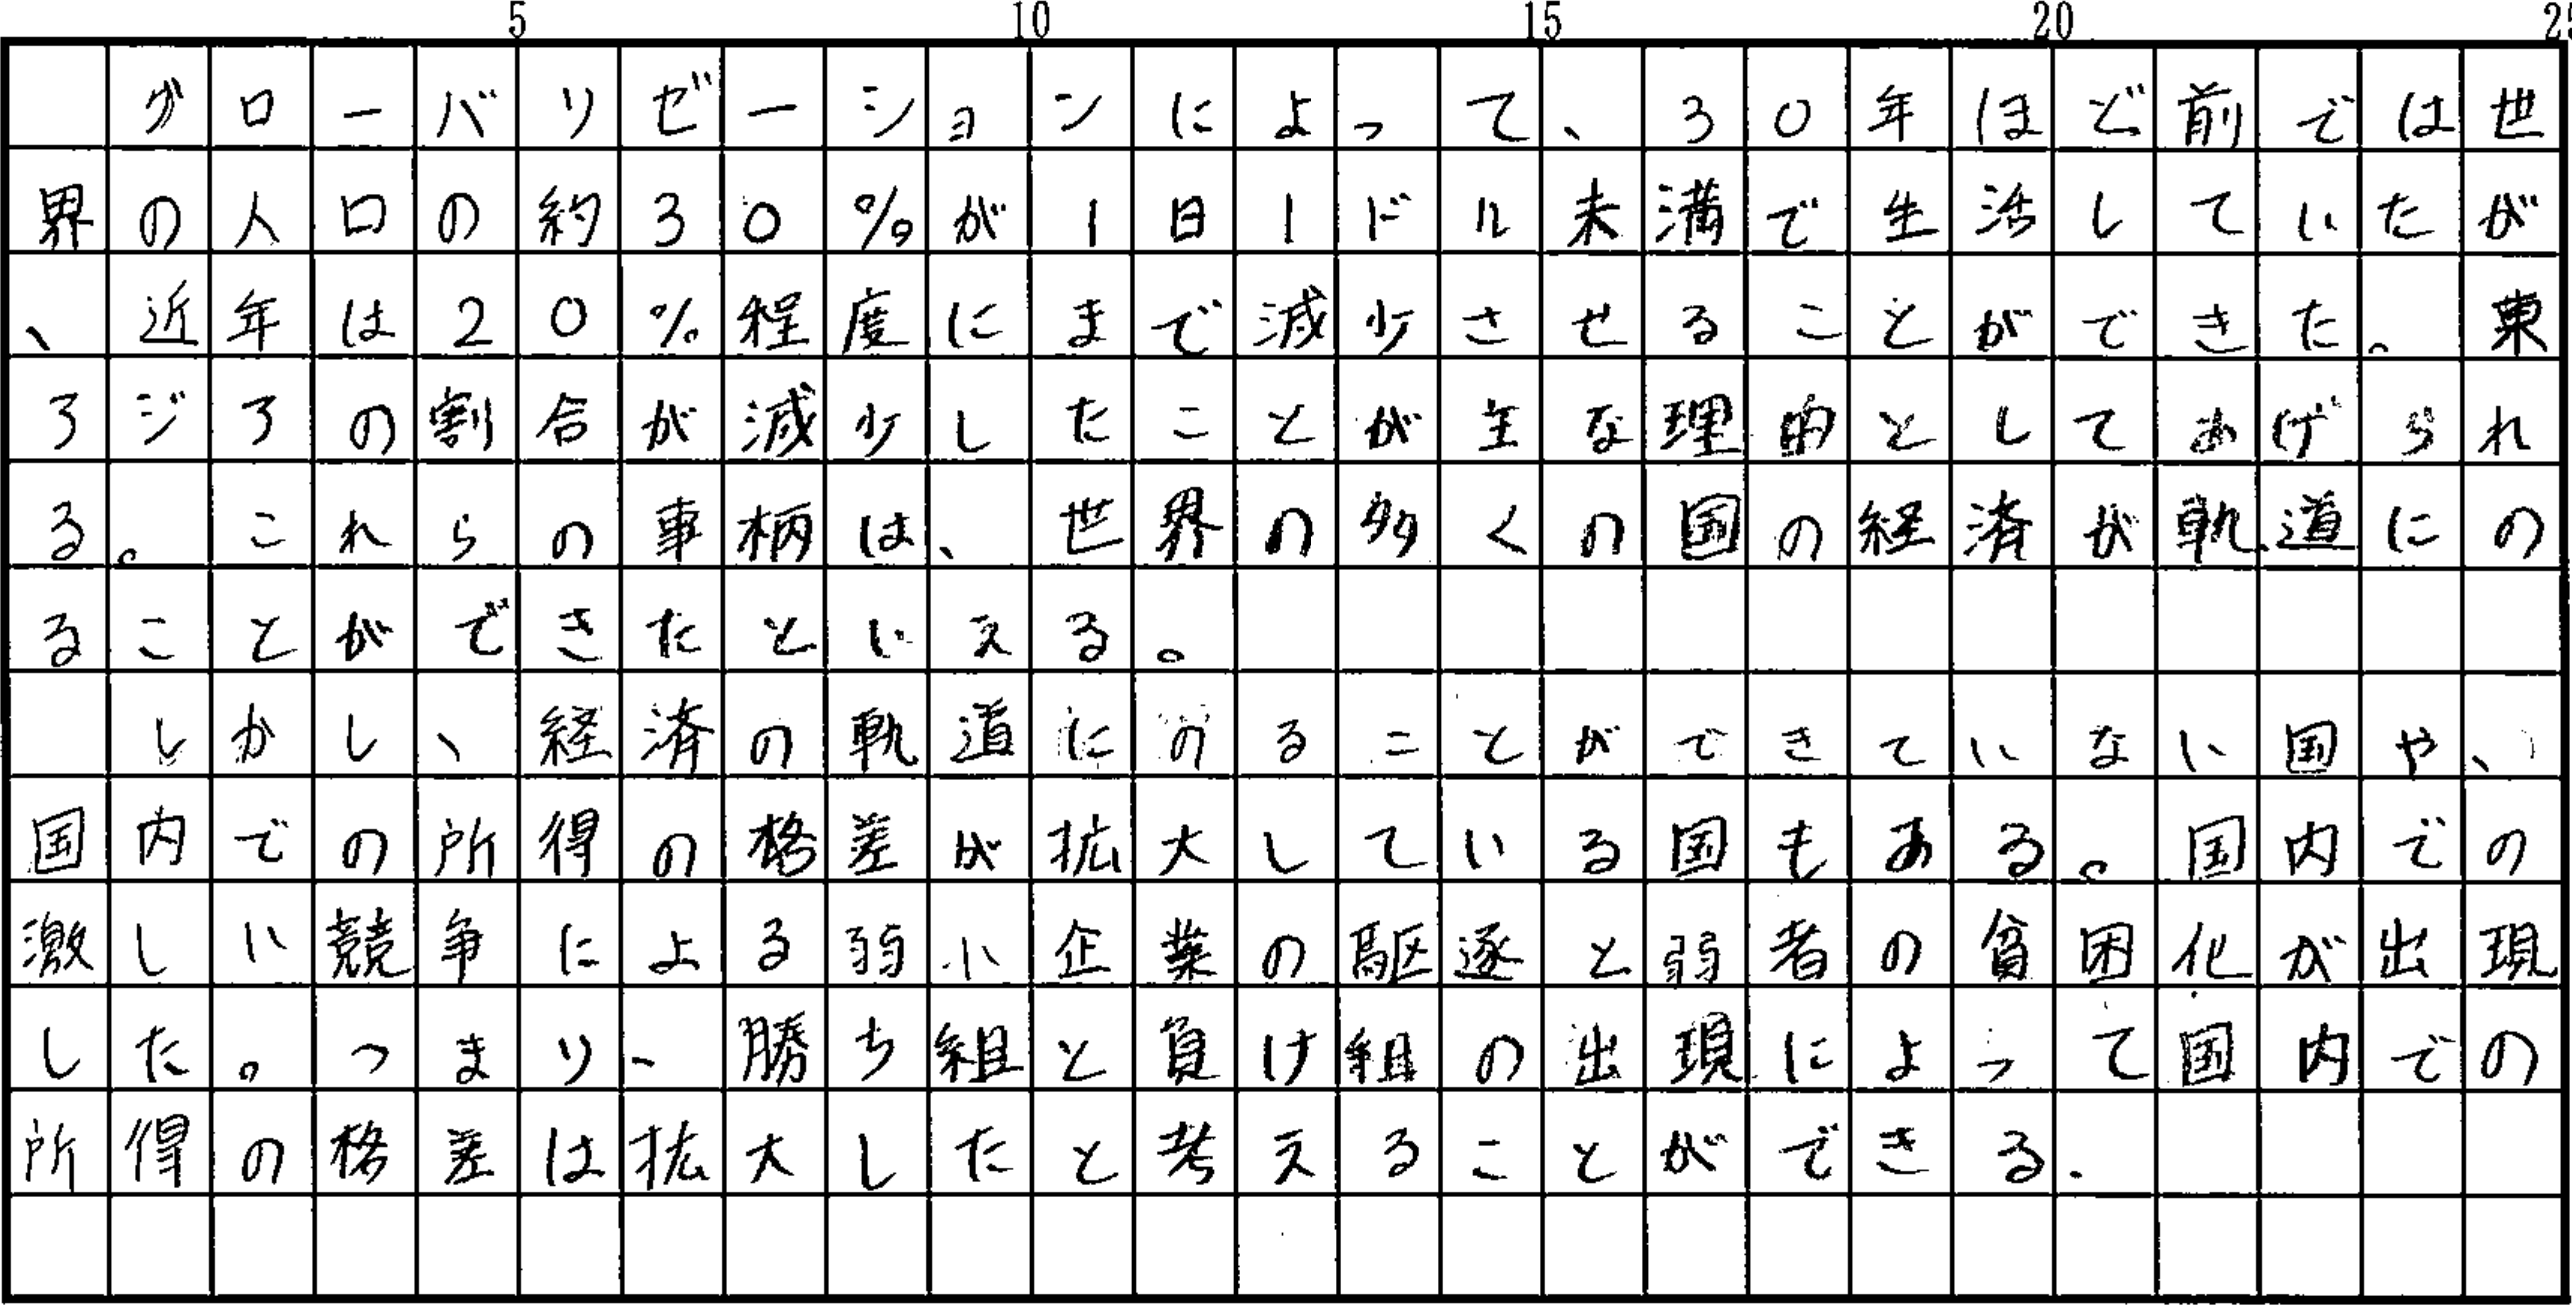　グローバリゼーションによって、３０年ほど前では世界の人口の約３０％が１日１ドル未満で生活していたが、近年は２０％程度にまで減少させることができた。東アジアの割合が減少したことが主な理由としてあげられる。これらの事柄は、世界の多くの国の経済が軌道にのることができたといえる。
　しかし、経済の軌道にのることができていない国や、国内での所得の格差が拡大している国もある。国内での激しい競争による弱小企業の駆逐と弱者の貧困化が出現した。つまり、勝ち組と負け組の出現によって国内での所得の格差は拡大したと考えることができる。
